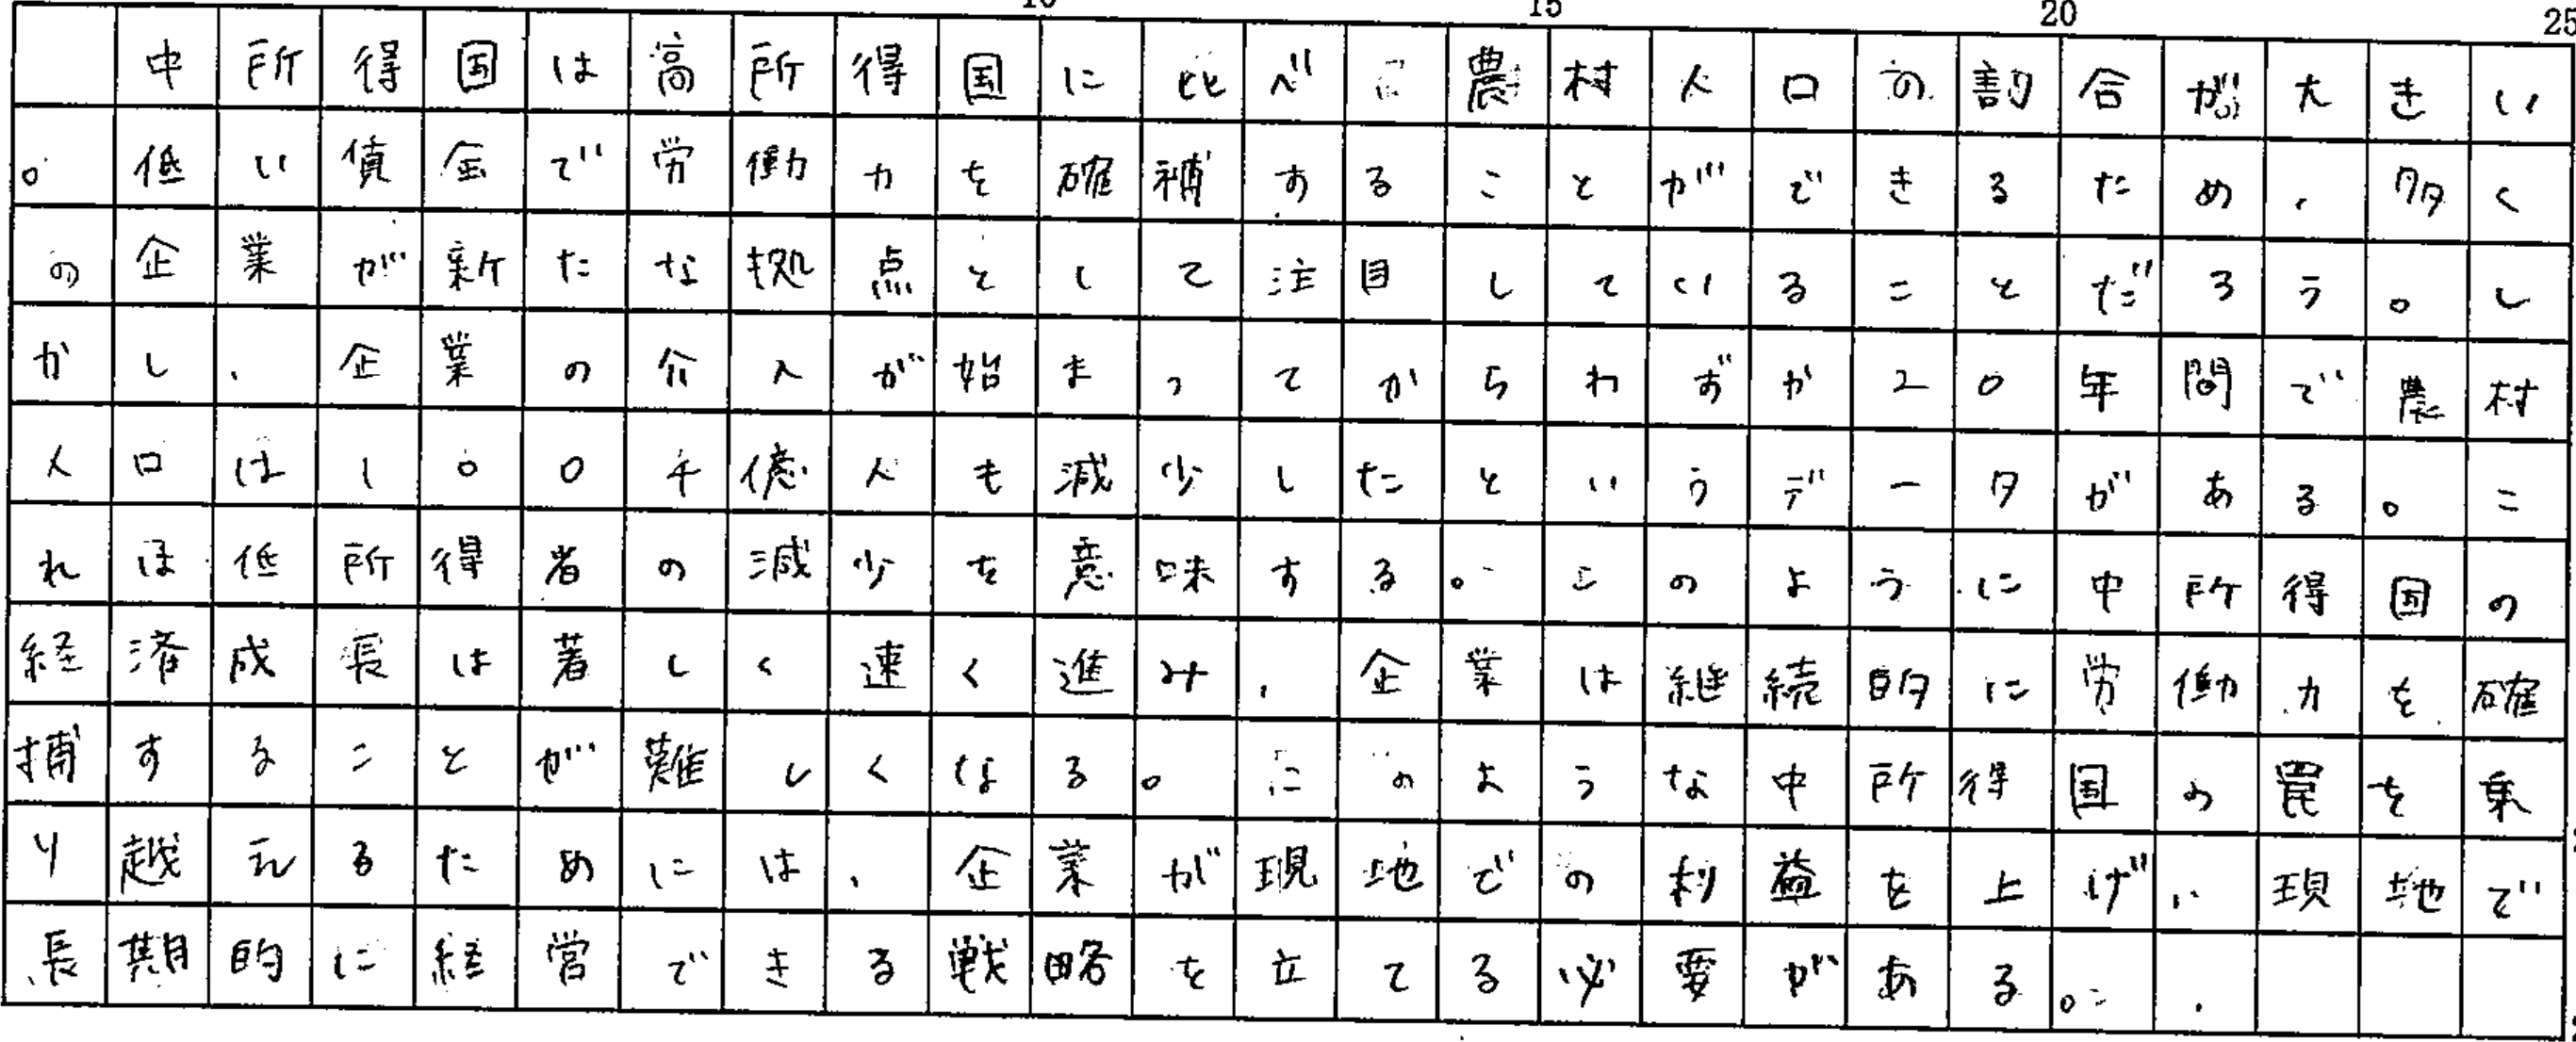　中所得国は高所得国に比べ、農村人口の割合が大きい。低い賃金で労働力を確補することができるため、多くの企業が新たな拠点として注目していることだろう。しかし、企業の介入が始まってからわずか２０年間で農村人口は１００千億人も減少したというデータがある。これは低所得者の減少を意味する。このように中所得国の経済成長は著しく速く進み、企業は継続的に労働力を確捕することが難しくなる。このような中所得国の罠を乗り越えるためには、企業が現地での利益を上げ、現地で長期的に経営できる戦略を立てる必要がある。
